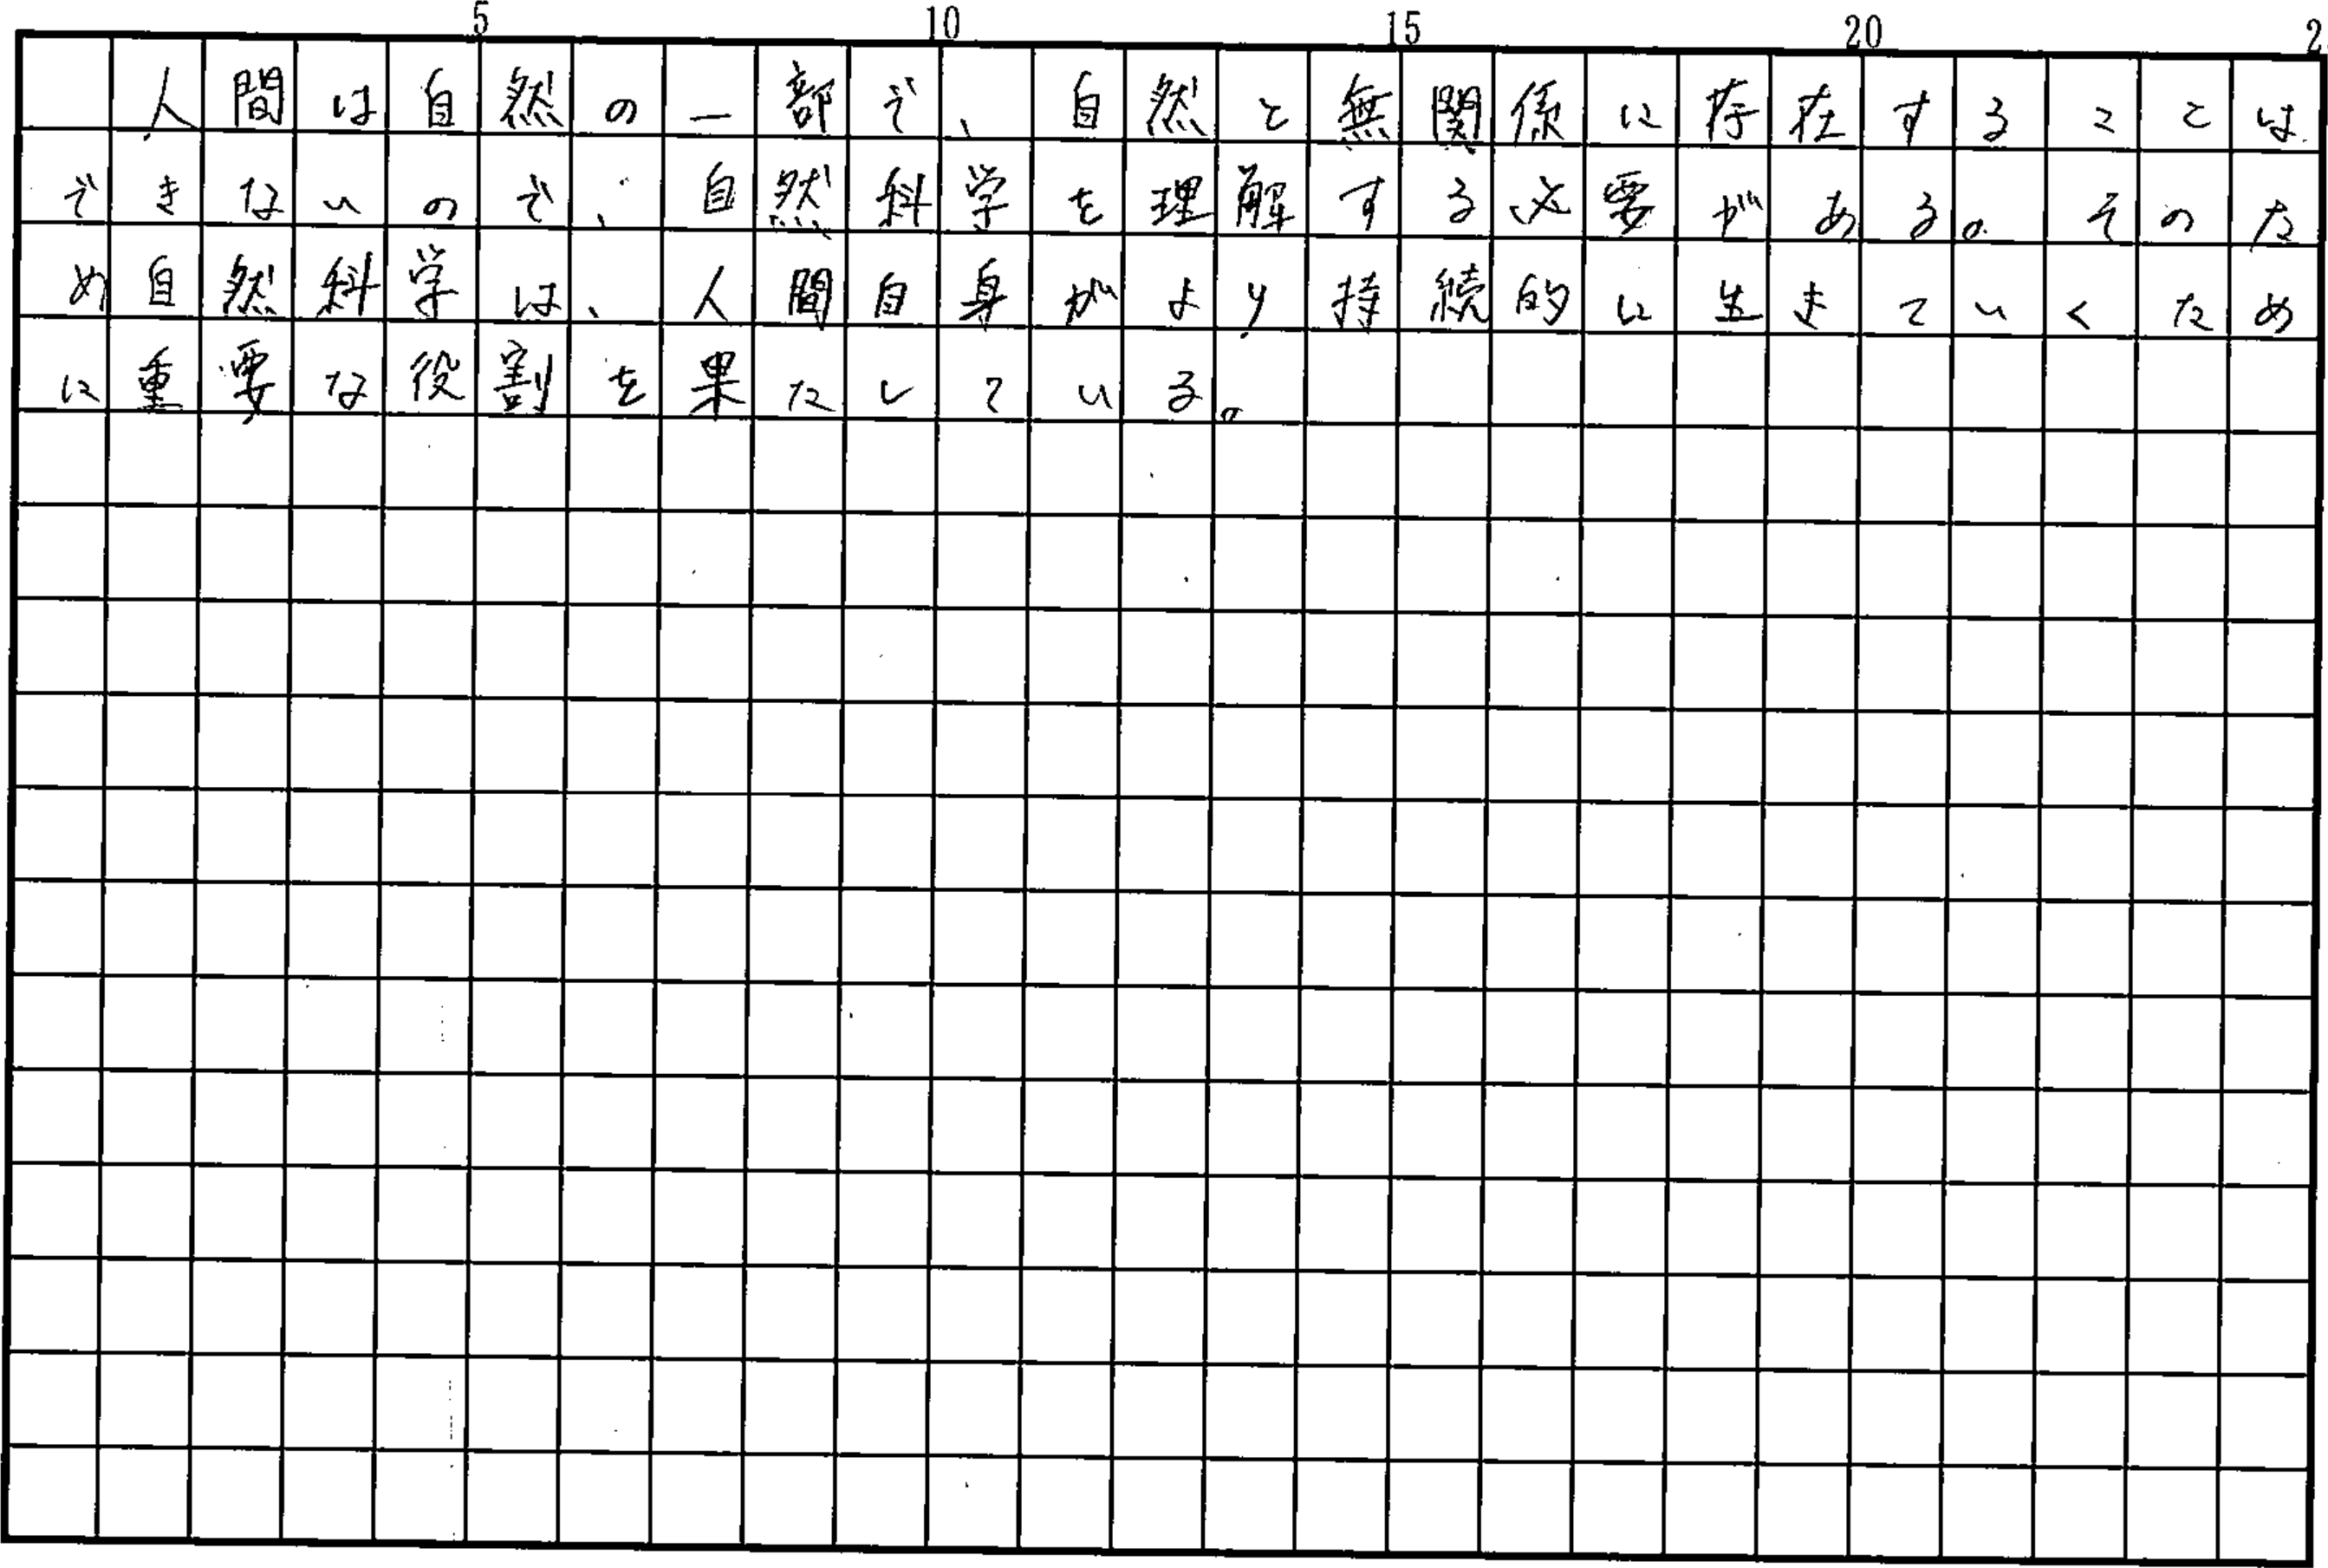　人間は自然の一部で、自然と無関係に存在することはできないので、自然科学を理解する必要がある。そのため自然科学は、人間自身がより持続的に生きていくために重要な役割を果たしている。
